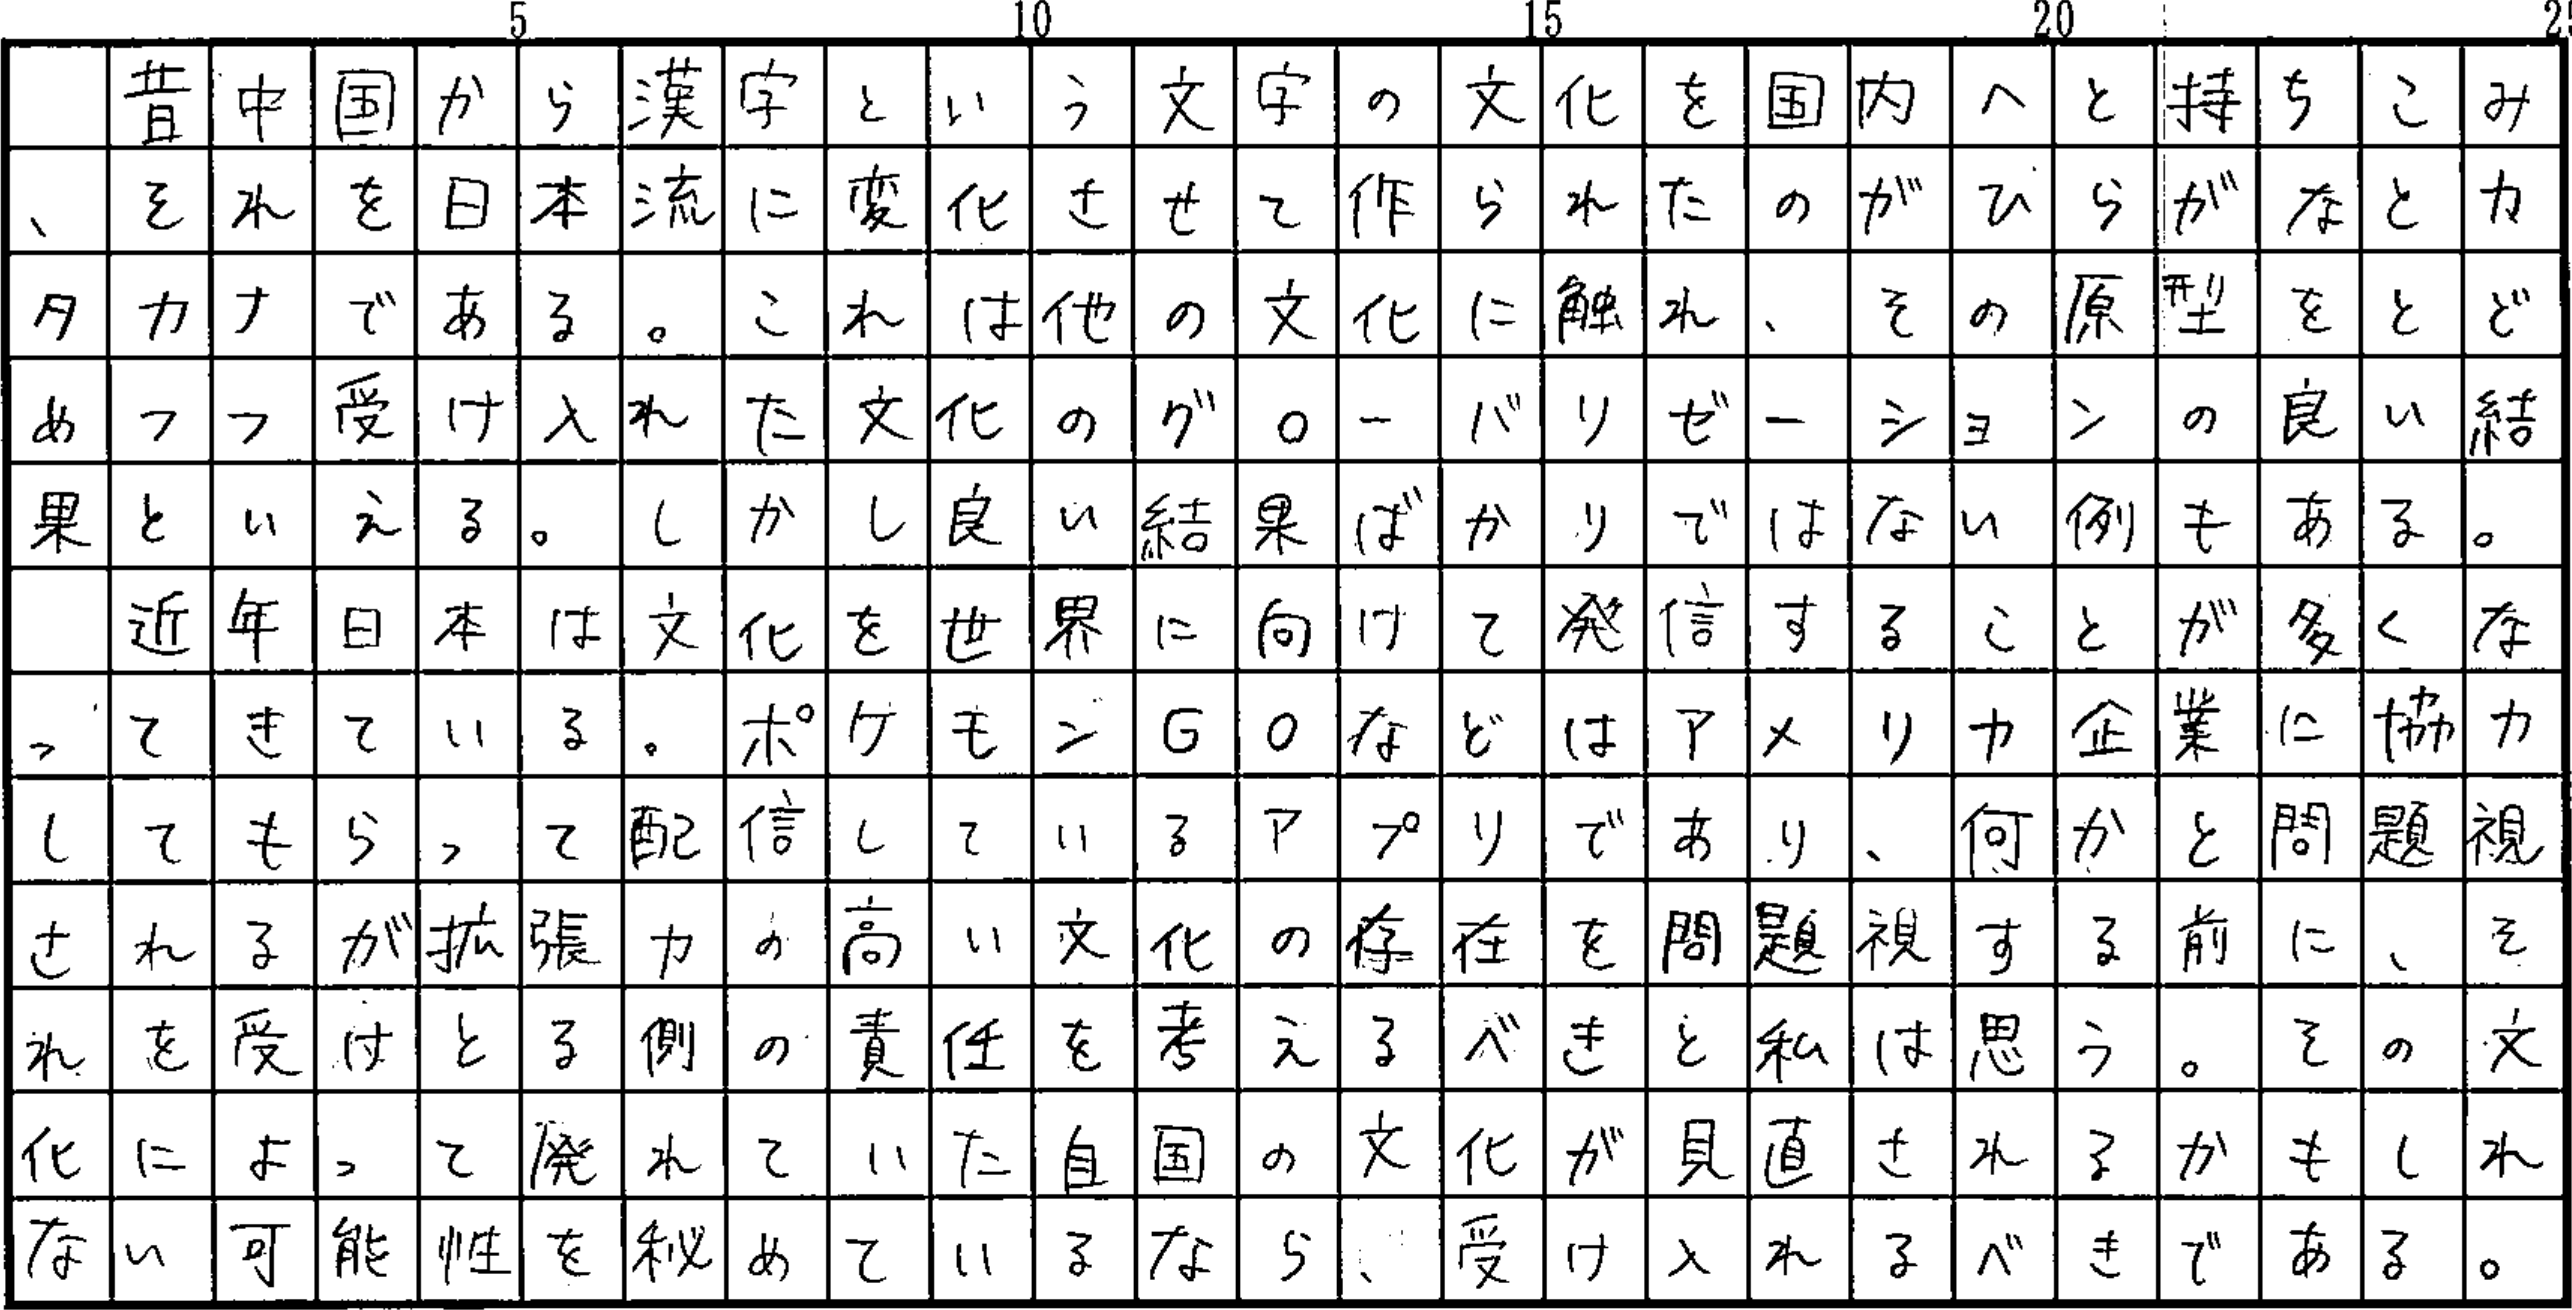　昔中国から漢字という文字の文化を国内へと持ちこみ、それを日本流に変化させて作られたのがひらがなとカタカナである。これは他の文化に触れ、その原型をとどめつつ受け入れた文化のグローバリゼーションの良い結果といえる。しかし、良い結果ばかりではない例もある。
　近年日本は文化を世界に向けて発信することが多くなってきている。ポケモンＧＯなどはアメリカ企業に協力してもらって配信しているアプリであり、何かと問題視されるが拡張力の高い文化の存在を問題視する前に、それを受けとる側の責任を考えるべきと私は思う。その文化によって廃れていた自国の文化が見直されるかもしれない可能性を秘めているなら、受け入れるべきである。
